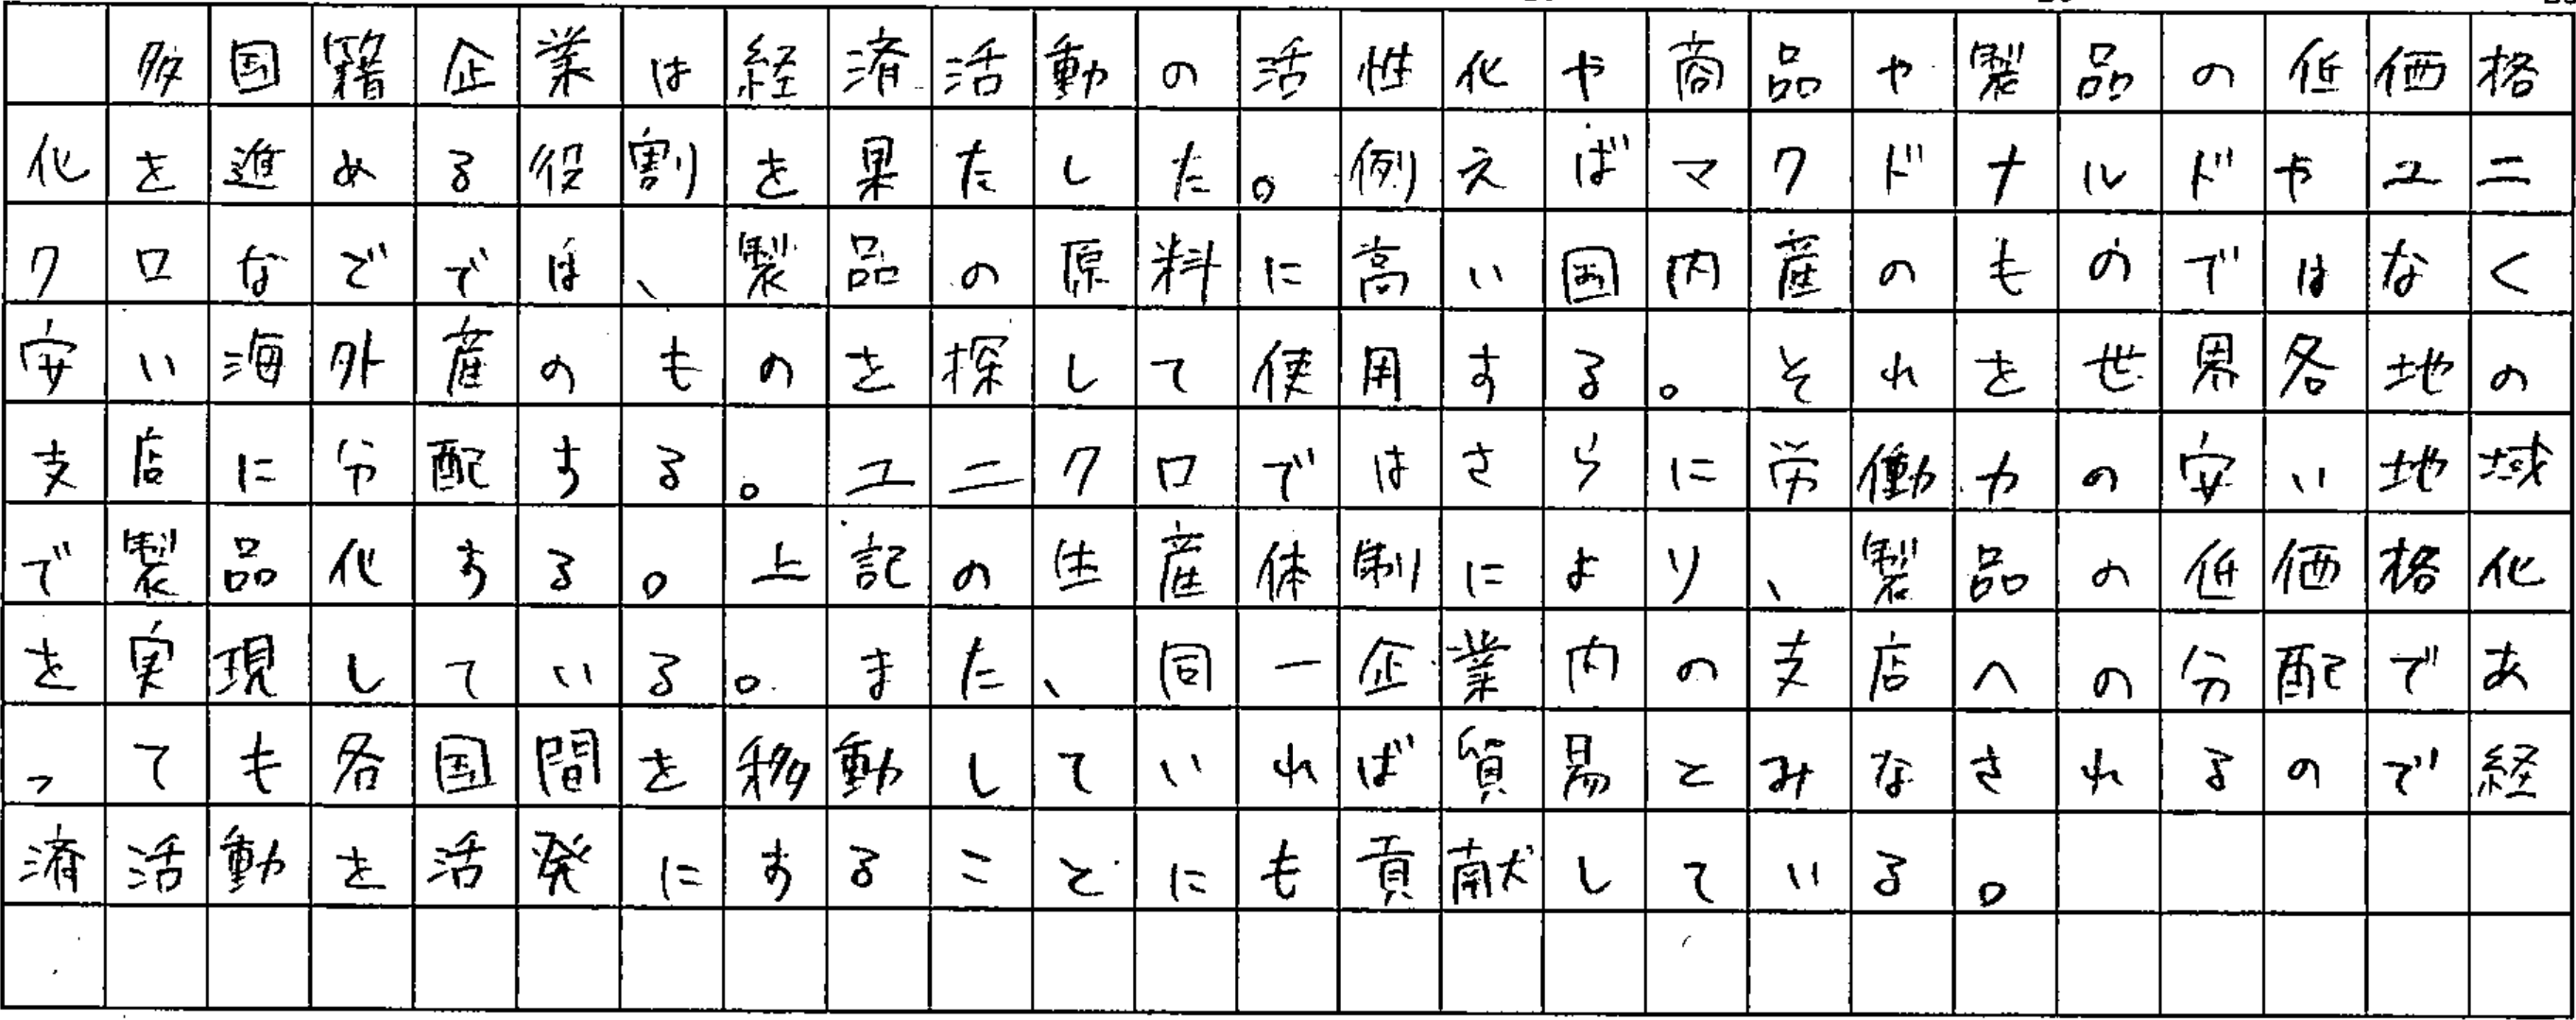　多国籍企業は経済活動の活性化や商品や製品の低価格化を進める役割を果たした。例えばマクドナルドやユニクロなどでは、製品の原料に高い国内産のものではなく安い海外産のものを探して使用する。それを世界各地の支店に分配する。ユニクロではさらに労働力の安い地域で製品化する。上記の生産体制により、製品の低価格化を実現している。また、同一企業内の支店への分配であっても各国間を移動していれば貿易とみなされるので経済活動を活発にすることにも貢献している。
